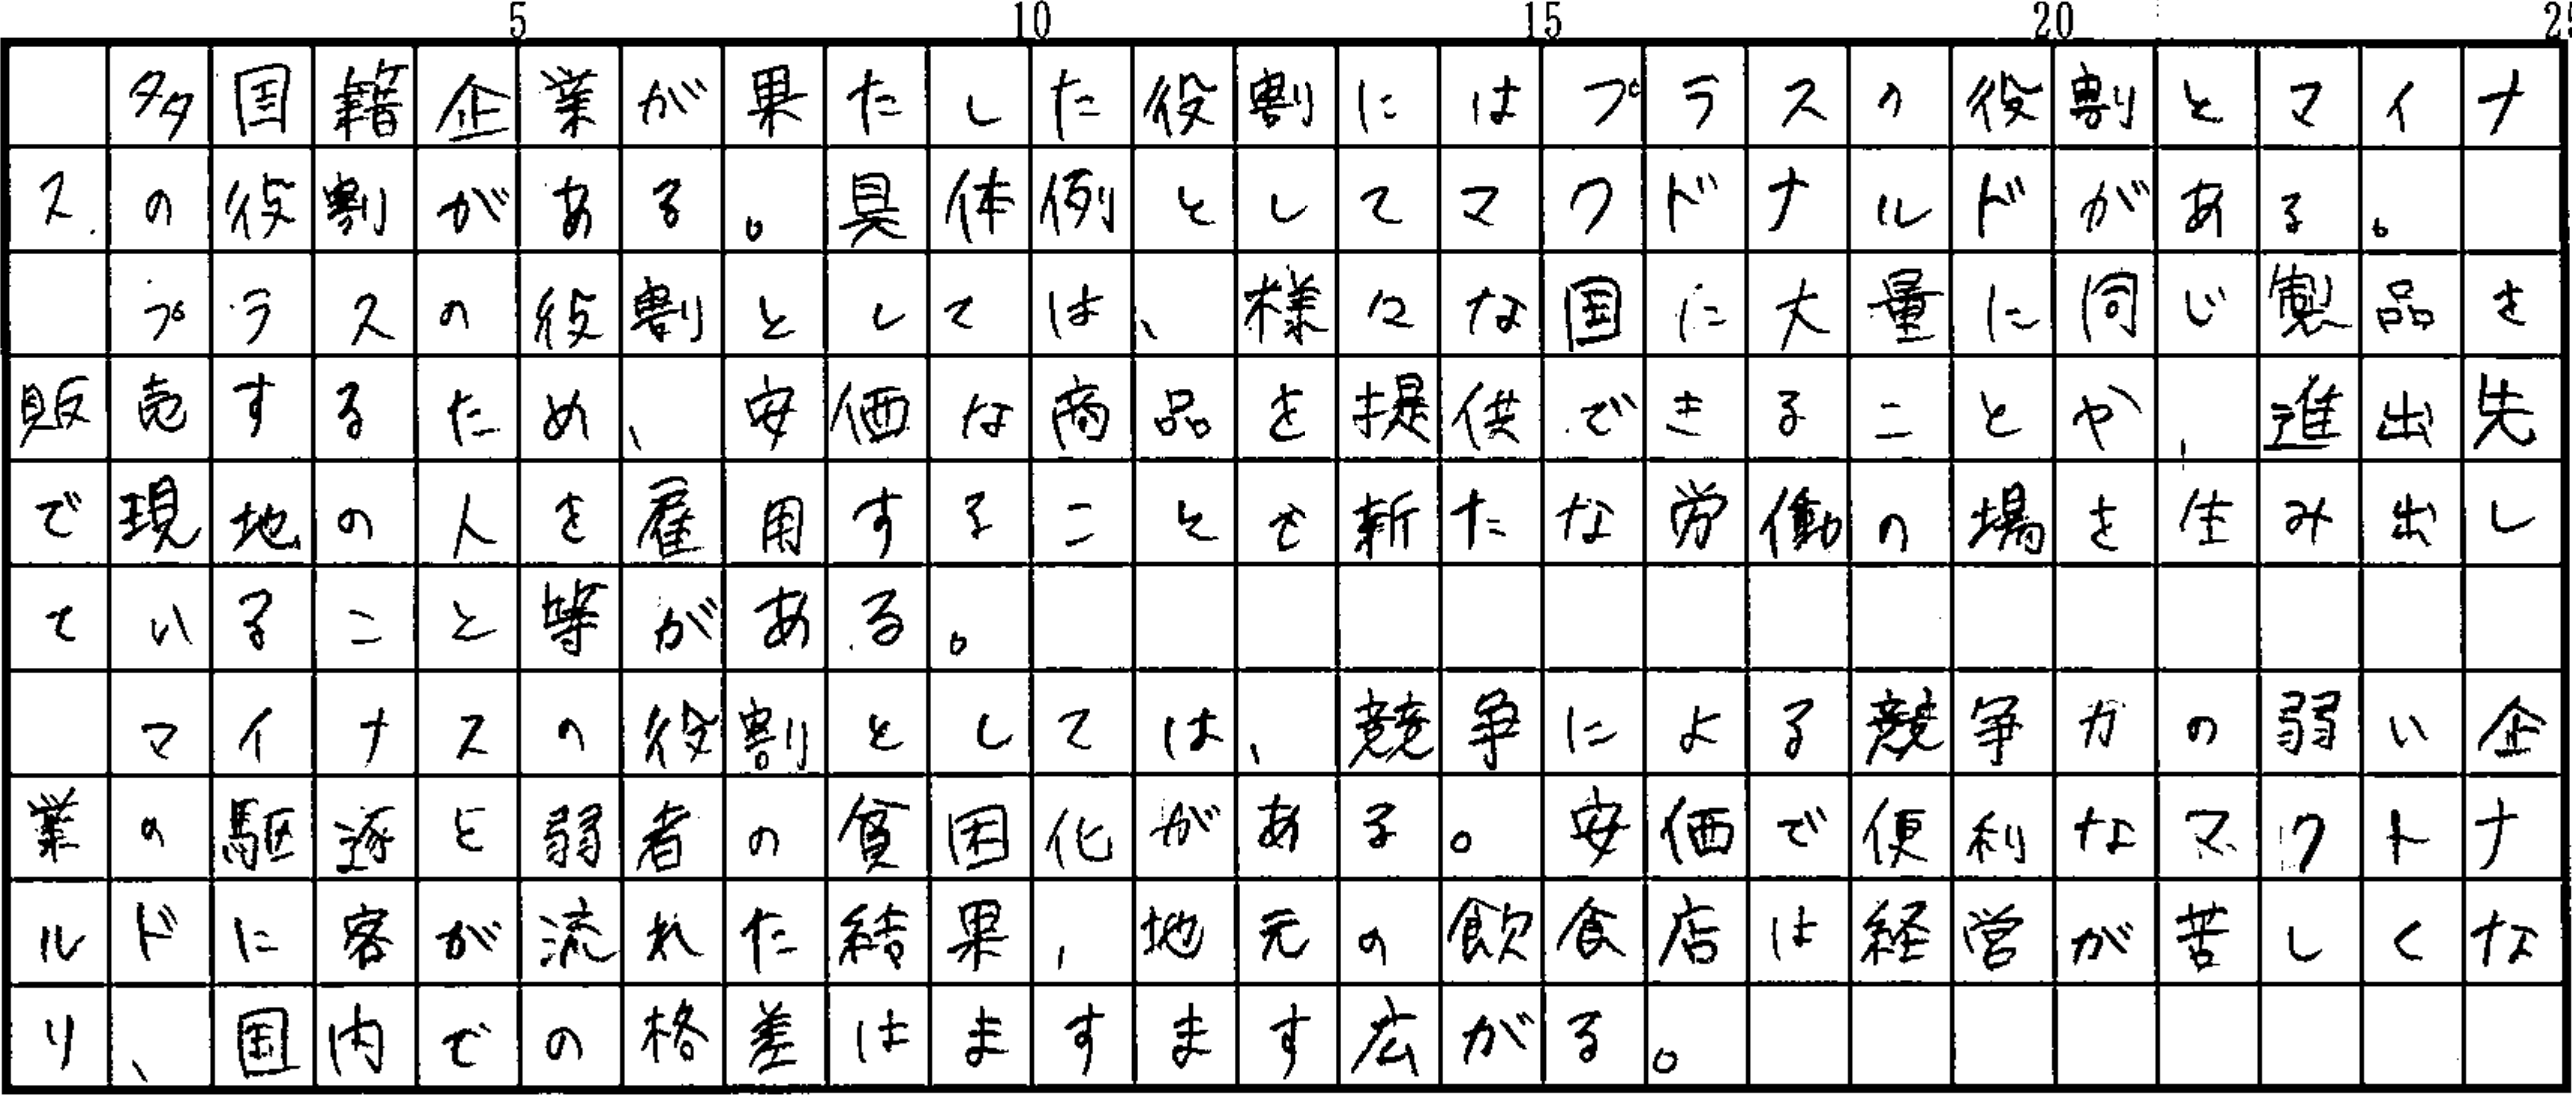　多国籍企業が果たした役割にはプラスの役割とマイナスの役割がある。具体例としてマクドナルドがある。
　プラスの役割としては、様々な国に大量に同じ製品を販売するため、安価な商品を提供できることや、進出先で現地の人を雇用することで新たな労働の場を生み出していること等がある。
　マイナスの役割としては、競争による競争力の弱い企業の駆逐と弱者の貧困化がある。安価で便利なマクトナルドに客が流れた結果、地元の飲食店は経営が苦しくなり、国内での格差はますます広がる。
